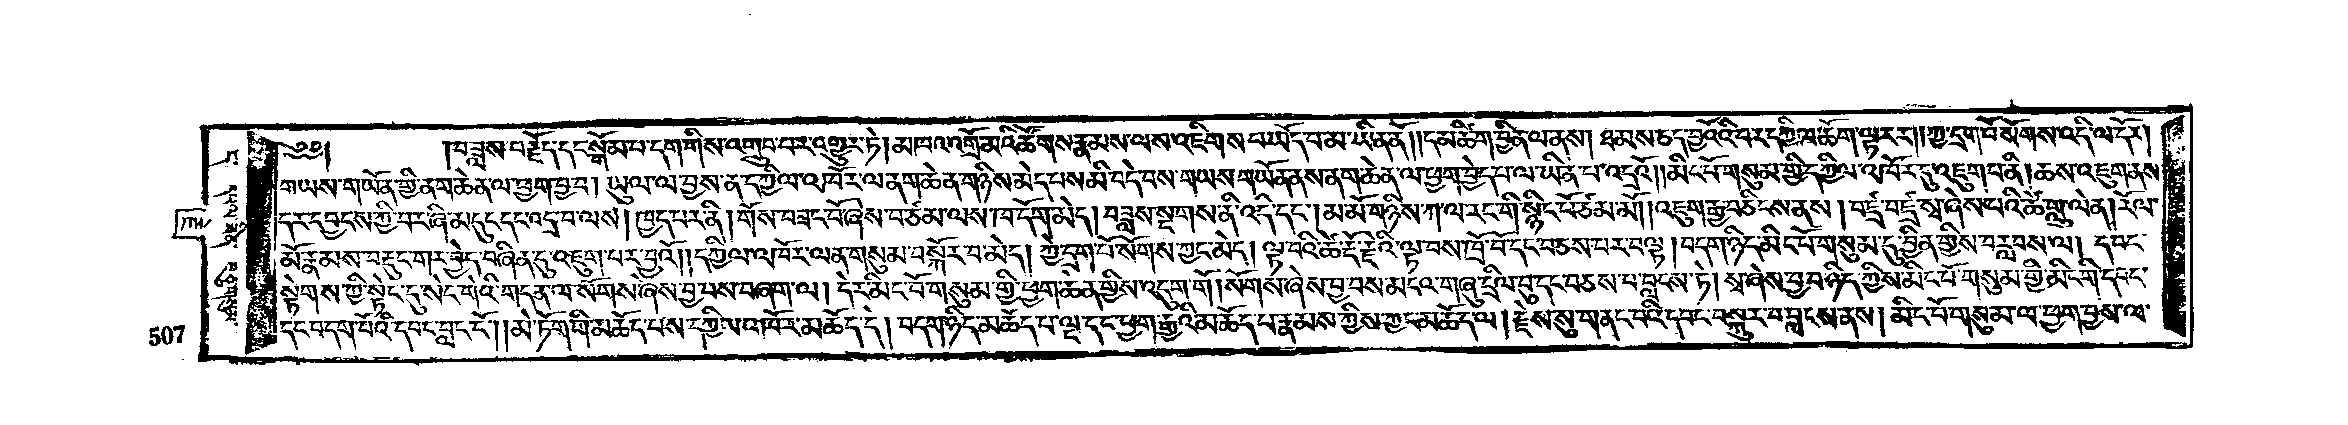༄༅། །བཟླས་བརྗོད་དང་སྒོམ་པ་དག་གིས་འགྲུབ་པར་འགྱུར་ཏེ། མཁའ་འགྲོ་མའི་ཚོགས་རྣམས་ལས་འཇིགས་པ་ཡོད་པ་མ་ཡིན་ནོ། །དམ་ཚིག་བྱིན་ལ་ནས། ཐམས་ཅད་བྱའོའི་བར་དཀྱིལ་ཆོག་ལྟར་རོ། །ཀྱི་དྲག་པོ་སོགས་འདི་ལ་དོར།
གཡས་གཡོན་གྱི་ནག་ཆེན་ལ་ཕྱག་བྱ་བ། ཡུལ་ལ་བྱས་ན་དཀྱིལ་འཁོར་ལ་ནག་ཆེན་གཉིས་མེད་པས་མི་བདེ་བས་གཡས་གཡོན་ནས་ནག་ཆེན་ལ་ཕྱག་བྱེད་པ་ལ་ཡིན་པ་འདྲའོ། །མིང་པོ་གསུམ་གྱི་དཀྱིལ་འཁོར་དུ་འཇུག་པ་ནི། ཆས་འཇུག་ནས་
དར་དབྱངས་ཀྱི་བར་ཞི་མདུང་དང་འདྲ་བ་ལས། ཁྱད་པར་ནི། གོས་བཟང་པོ་ཞེས་པ་ཙམ་ལས་ཁ་དོག་མེད། བཟླས་སྔགས་ནི་འདི་དང་། མ་མོ་གཉིས་ཀ་ལ་རང་གི་སྙིང་པོ་ཙམ་མོ། །འཇུག་རྒྱ་བཅིངས་ནས། བཛྲ་བཛྲ་སྭ་ཞེས་པའི་ཚེ་གླུ་ལེན། རོལ་
མོ་རྣམས་བརྡུང་གར་བྱེད་བཞིན་དུ་འཇུག་པར་བྱའོ། །དཀྱིལ་འཁོར་ལན་གསུམ་བསྐོར་བ་མེད། ཀྱེ་དྲག་པོ་སོགས་ཀྱང་མེད། ལྟ་བའི་ཚེ་རྡོ་རྗེའི་ལྟ་བས་ཁྲོ་བོ་དང་བཅས་པར་བལྟ། བདག་ཉིད་མིང་པོ་གསུམ་དུ་བྱིན་གྱིས་བརླབས་ལ། དབང་
སྟེགས་ཀྱི་སྟེང་དུ་སེང་གེའི་གདན་ལ་སོགས་ཞེས་བྱ་བས་བཞག་ལ། དེར་མིང་བོ་གསུམ་གྱི་ཕྱག་ཆེན་གྱིས་འདུག་གོ །སོགས་ཞེས་བྱ་བས་མངའ་གཞུ་དྲིལ་བུ་དང་བཅས་པ་བླངས་ཏེ། སྭ་ཞེས་བྱ་ཉིད་ཀྱིས་མིང་པོ་གསུམ་གྱི་མིང་གི་དབང་
དང་བདག་པོའི་དབང་བླང་ངོ། །མེ་ཏོག་གི་མཆོད་པས་དཀྱིལ་འཁོར་མཆོད་དེ། བདག་ཉིད་མཆོད་པ་ལྔ་དང་ཕྱག་རྒྱའི་མཆོད་པ་རྣམས་ཀྱིས་ཀྱང་མཆོད་ལ། རྗེས་སུ་གནང་བའི་དབང་བསྐུར་བ་བླངས་ནས། མིང་པོ་གསུམ་ལ་ཕྱག་བྱས་ལ་